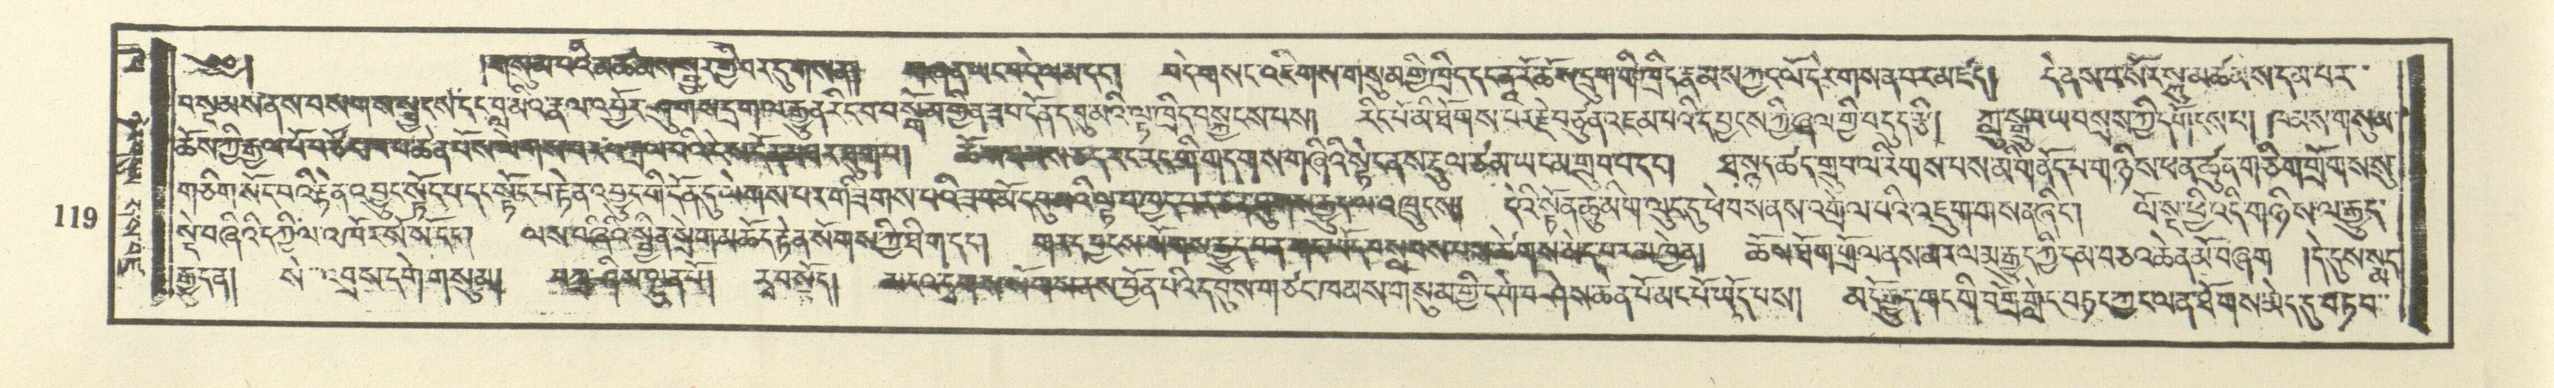༄༅། །གསུམ་པའི་མཚམས་སྦྱར་གྱི་བར་དུ་གསན། གཞན་ཡང་བདེ་ལམ་དང་། བདེ་གསང་འཇིགས་གསུམ་གྱི་ཁྲིད་དང་ནཱ་རོ་ཆོས་དྲུག་གི་ཁྲིད་རྣམས་ཀྱང་ལོ་དེར་གསན་པར་མཛད། དེ་ནས་བ་སོར་སྐུ་མཚམས་དམ་པར་
བསྡམས་ནས་བསགས་སྦྱངས་དང་བླ་མའི་རྣལ་འབྱོར་ཤུགས་དྲག་ལ་རྒྱུན་རིང་བ་བསྒོམ་གྱིན་ཟབ་དོན་དབུ་མའི་ལྟ་ཁྲིད་བསྐྱངས་པས། རིང་པོ་མི་ཐོགས་པར་རྗེ་བཙུན་འཇམ་པའི་དབྱངས་ཀྱི་ཞལ་གྱི་བདུད་རྩི། ཀླུ་སྒྲུབ་ཡབ་སྲས་ཀྱི་དགོངས་པ། ཁམས་གསུམ་
ཆོས་ཀྱི་རྒྱལ་པོ་ཙོང་ཁ་པ་ཆེན་པོས་ལེགས་པར་བཀྲལ་བའི་ངེས་དོན་མཐར་ཐུག་པ། ཆོས་ཐམས་ཅད་རང་རང་གི་གདགས་གཞིའི་སྟེང་ནས་རྡུལ་ཙམ་ཡང་མ་གྲུབ་པ་དང་། ཐ་སྙད་ཚད་གྲུབ་ལ་རིགས་པས་མི་གནོད་པ་གཉིས་ཕན་ཚུན་གཅིག་གྲོགས་སུ་
གཅིག་སོང་བའི་རྟེན་འབྱུང་སྟོང་པ་དང་སྟོང་པ་རྟེན་འབྱུང་གི་དོན་དུ་ལེགས་པར་གཟིགས་པའི་ཟབ་མོ་དབུ་མའི་ལྟ་བ་ཁྱད་པར་ཅན་ཐུགས་རྒྱུད་ལ་འཁྲུངས། དེའི་སྟོན་ཆུ་མིག་ལུང་དུ་ཕེབས་ནས་འགྲེལ་པའི་འཇུག་གསན་ཞིང་། ལོ་སྔ་ཕྱི་འདི་གཉིས་ལ་རྒྱུད་
སྡེ་བཞིའི་དཀྱིལ་འཁོར་སོ་སོ་དང་། ལས་བཞིའི་སྦྱིན་སྲེག་མཆོད་རྟེན་སོགས་ཀྱི་ཐིག་དང་། གར་དབྱངས་སོགས་རྒྱུད་པ་ན་གང་ཡོད་བསླབས་པས་ཚེགས་མེད་པར་མཁྱེན། ཆོས་ཐོག་གྲོལ་ནས་མར་ལམ་རྒྱུད་ཀྱི་དམ་བཅའ་ཆེན་མོ་བཞག །དེ་དུས་སྨད་
རྒྱུད་ན། སེ་འབྲས་དགེ་གསུམ། བཀྲ་ཤིས་ལྷུན་པོ། རྭ་བ་སྟོད། མངའ་དྭགས་སོགས་ནས་བྱོན་པའི་དབུས་གཙང་ཁམས་གསུམ་གྱི་དགེ་བཤེས་ཆེན་པོ་མང་པོ་ཡོད་པས། མདོ་རྒྱུད་གང་གི་བགྲོ་གླེང་བཏང་ཀྱང་ལན་ཐོགས་མེད་དུ་བཏབ་